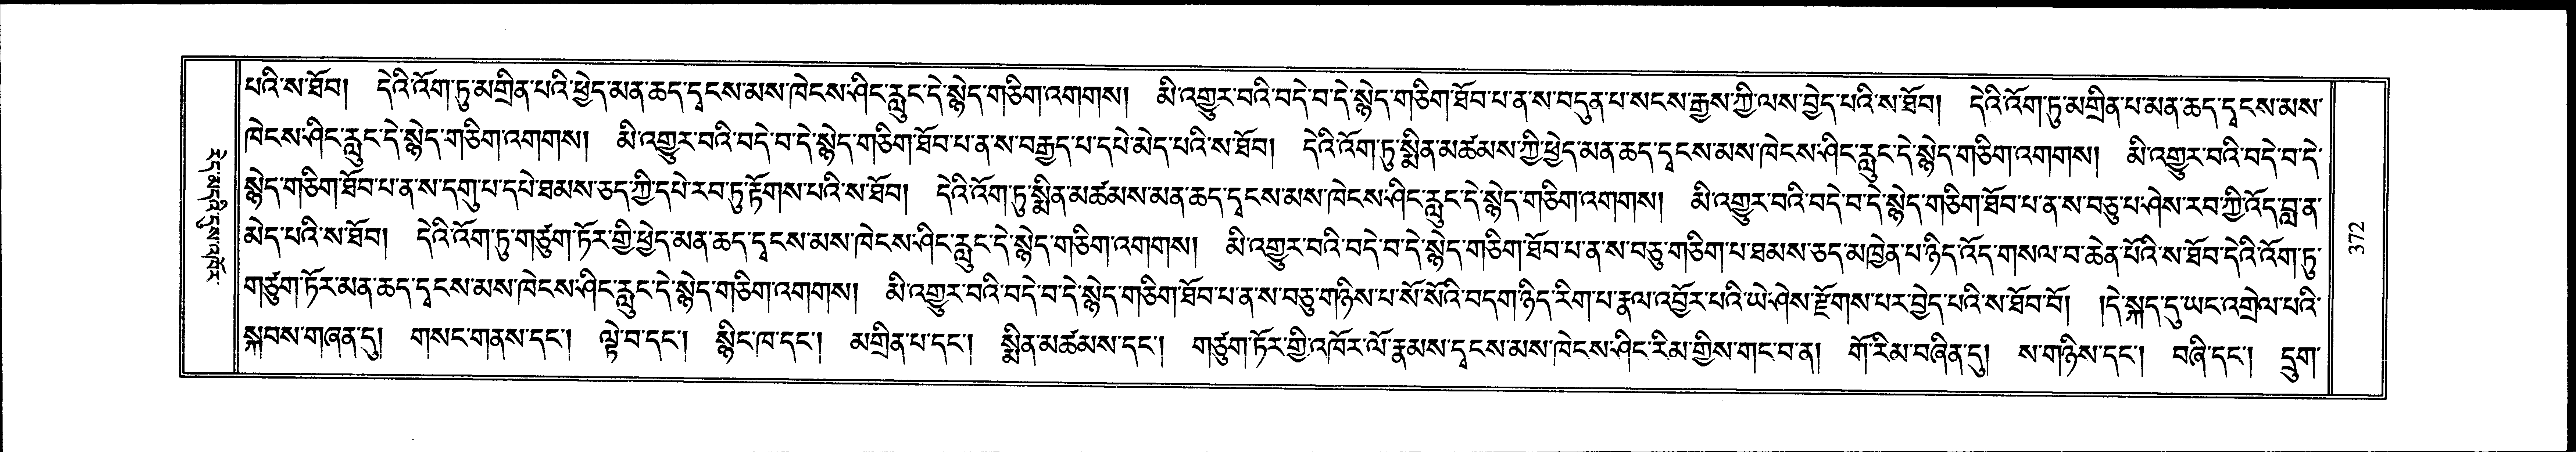པའི་ས་ཐོབ། དེའི་འོག་ཏུ་མགྲིན་པའི་ཕྱེད་མན་ཆད་དྭངས་མས་ཁེངས་ཤིང་རླུང་དེ་སྙེད་གཅིག་འགགས། མི་འགྱུར་བའི་བདེ་བ་དེ་སྙེད་གཅིག་ཐོབ་པ་ན་ས་བདུན་པ་སངས་རྒྱས་ཀྱི་ལས་བྱེད་པའི་ས་ཐོབ། དེའི་འོག་ཏུ་མགྲིན་པ་མན་ཆད་དྭངས་མས་
ཁེངས་ཤིང་རླུང་དེ་སྙེད་གཅིག་འགགས། མི་འགྱུར་བའི་བདེ་བ་དེ་སྙེད་གཅིག་ཐོབ་པ་ན་ས་བརྒྱད་པ་དཔེ་མེད་པའི་ས་ཐོབ། དེའི་འོག་ཏུ་སྨིན་མཚམས་ཀྱི་ཕྱེད་མན་ཆད་དྭངས་མས་ཁེངས་ཤིང་རླུང་དེ་སྙེད་གཅིག་འགགས། མི་འགྱུར་བའི་བདེ་བ་དེ་
སྙེད་གཅིག་ཐོབ་པ་ན་ས་དགུ་པ་དཔེ་ཐམས་ཅད་ཀྱི་དཔེ་རབ་ཏུ་རྟོགས་པའི་ས་ཐོབ། དེའི་འོག་ཏུ་སྨིན་མཚམས་མན་ཆད་དྭངས་མས་ཁེངས་ཤིང་རླུང་དེ་སྙེད་གཅིག་འགགས། མི་འགྱུར་བའི་བདེ་བ་དེ་སྙེད་གཅིག་ཐོབ་པ་ན་ས་བཅུ་པ་ཤེས་རབ་ཀྱི་འོད་བླ་ན་
མེད་པའི་ས་ཐོབ། དེའི་འོག་ཏུ་གཙུག་ཏོར་གྱི་ཕྱེད་མན་ཆད་དྭངས་མས་ཁེངས་ཤིང་རླུང་དེ་སྙེད་གཅིག་འགགས། མི་འགྱུར་བའི་བདེ་བ་དེ་སྙེད་གཅིག་ཐོབ་པ་ན་ས་བཅུ་གཅིག་པ་ཐམས་ཅད་མཁྱེན་པ་ཉིད་འོད་གསལ་བ་ཆེན་པོའི་ས་ཐོབ་དེའི་འོག་ཏུ་
གཙུག་ཏོར་མན་ཆད་དྭངས་མས་ཁེངས་ཤིང་རླུང་དེ་སྙེད་གཅིག་འགགས། མི་འགྱུར་བའི་བདེ་བ་དེ་སྙེད་གཅིག་ཐོབ་པ་ན་ས་བཅུ་གཉིས་པ་སོ་སོའི་བདག་ཉིད་རིག་པ་རྣལ་འབྱོར་པའི་ཡེ་ཤེས་རྫོགས་པར་བྱེད་པའི་ས་ཐོབ་བོ། །དེ་སྐད་དུ་ཡང་འགྲེལ་པའི་
སྐབས་གཞན་དུ། གསང་གནས་དང་། ལྟེ་བ་དང་། སྙིང་ཁ་དང་། མགྲིན་པ་དང་། སྨིན་མཚམས་དང་། གཙུག་ཏོར་གྱི་འཁོར་ལོ་རྣམས་དྭངས་མས་ཁེངས་ཤིང་རིམ་གྱིས་གང་བ་ན། གོ་རིམ་བཞིན་དུ། ས་གཉིས་དང་། བཞི་དང་། དྲུག་